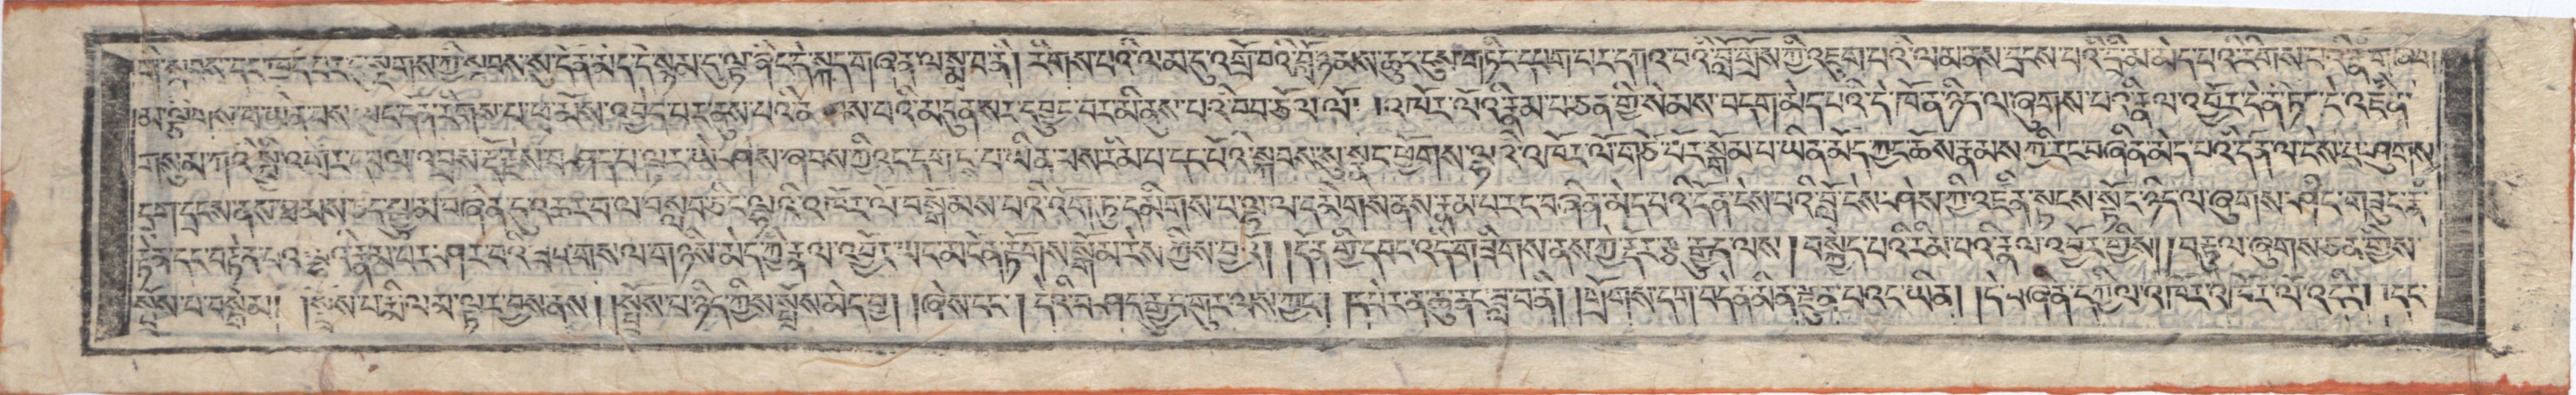གི་སྐབས་དང་ཁྱད་པར་དུ་སྔགས་ཀྱི་སྐབས་སུ་དོན་མེད་དོ་སྙམ་དུ་ལྟ་ཞིང་དེ་སྐད་གཞན་ལ་སྨྲ་བ་ནི། རིགས་པའི་ལམ་དུ་འགྲོ་བའི་བློ་ཉམས་ཆུང་ངུས་གཏིང་དཔག་པར་དཀའ་བའི་བློ་གྲོས་ཀྱི་འཇུག་པའི་ལམ་ནས་དྲངས་པའི་དྲི་མ་མེད་པའི་རིགས་པའི་རྣཾ་གཞག་
མ་ལྕིགས་པ་ཡིན་པས་ལུང་དོན་རིགས་པ་ཕྲ་མོས་འབྱེད་པར་ནུས་པའི་མཁས་པའི་མདུན་སར་དབྱུང་བར་མི་ནུས་པའི་བབ་ཅོལ་ལོ། །འཁོར་ལོའི་རྣམ་པ་ཅན་གྱི་སེམས་བདག་མེད་པའི་དེ་ཁོ་ན་ཉིད་ལ་ཞུགས་པའི་རྣལ་འབྱོར་དེ་ནི་ཏིང་ངེ་འཛིན་
གསུམ་ཀའི་སྤྱི་འགྲོར་དཔལ་འབྲས་རྡོ་རྗེས་བཤད་པ་ལྟར་ཡེ་ཤེས་ཞབས་ཀྱིའང་དགོངས་པ་ཡིན་པས་རིམ་པ་དང་པོའི་སྐབས་སུ་སྣང་ཕྱོགས་ལྷའི་འཁོར་ལོ་གཙོ་བོར་སྒོམ་པ་ཡིན་མོད་ཀྱང་ཆོས་རྣམས་ཀྱི་རང་བཞིན་མེད་པའི་དོན་ལ་ངེས་པ་ཤུགས་
དག་དྲངས་ནས་ཐམས་ཅད་སྒྱུ་མ་བཞིན་དུ་འཆར་བ་ལ་བསླབ་ཅིང་ལྷའི་འཁོར་ལོ་བསྒོམས་པའི་འོག་ཏུ་དམིགས་པ་ལྷ་ལ་དམིགས་ནས་རྣམ་པར་རང་བཞིན་མེད་པའི་དོན་ངེས་པའི་བློ་ངེས་ཤེས་ཀྱི་འཛིན་སྟངས་སྟོང་ཉིད་ལ་ཞུགས་ཤིང་གཟུང་རྣམ་
རྟེན་དང་བརྟེན་པའི་ལྷའི་རྣམ་པར་ཤར་བའི་ཟབ་གསལ་གཉིས་མེད་ཀྱི་རྣལ་འབྱོར་ཡང་མངོན་རྟོགས་སྒོམ་རེས་ཀྱིས་བྱའོ། །དོན་གྱི་དབང་འདི་གཟིགས་ནས་ཀྱེ་རྡོར་རྩ་རྒྱུད་ལས། བསྐྱེད་པའི་རིམ་པའི་རྣལ་འབྱོར་གྱིས། །བརྟུལ་ཞུགས་ཅན་གྱིས་
སྤྲོས་པ་བསྒོམ། །སྤྲོས་པ་རྨི་ལམ་ལྟར་བྱས་ནས། །སྤྲོས་པ་ཉིད་ཀྱིས་སྤྲོས་མེད་བྱ། །ཞེས་དང་། དེའི་བཤད་རྒྱུད་གུར་ལས་ཀྱང་། །དཔེར་ན་ཆུ་ནང་ཟླ་བ་ནི། །གྲོགས་དག་བདེན་མིན་རྫུན་པའང་ཡིན། །དེ་བཞིན་དཀྱིལ་འཁོར་འཁོར་ལོ་འདིར། །དང་